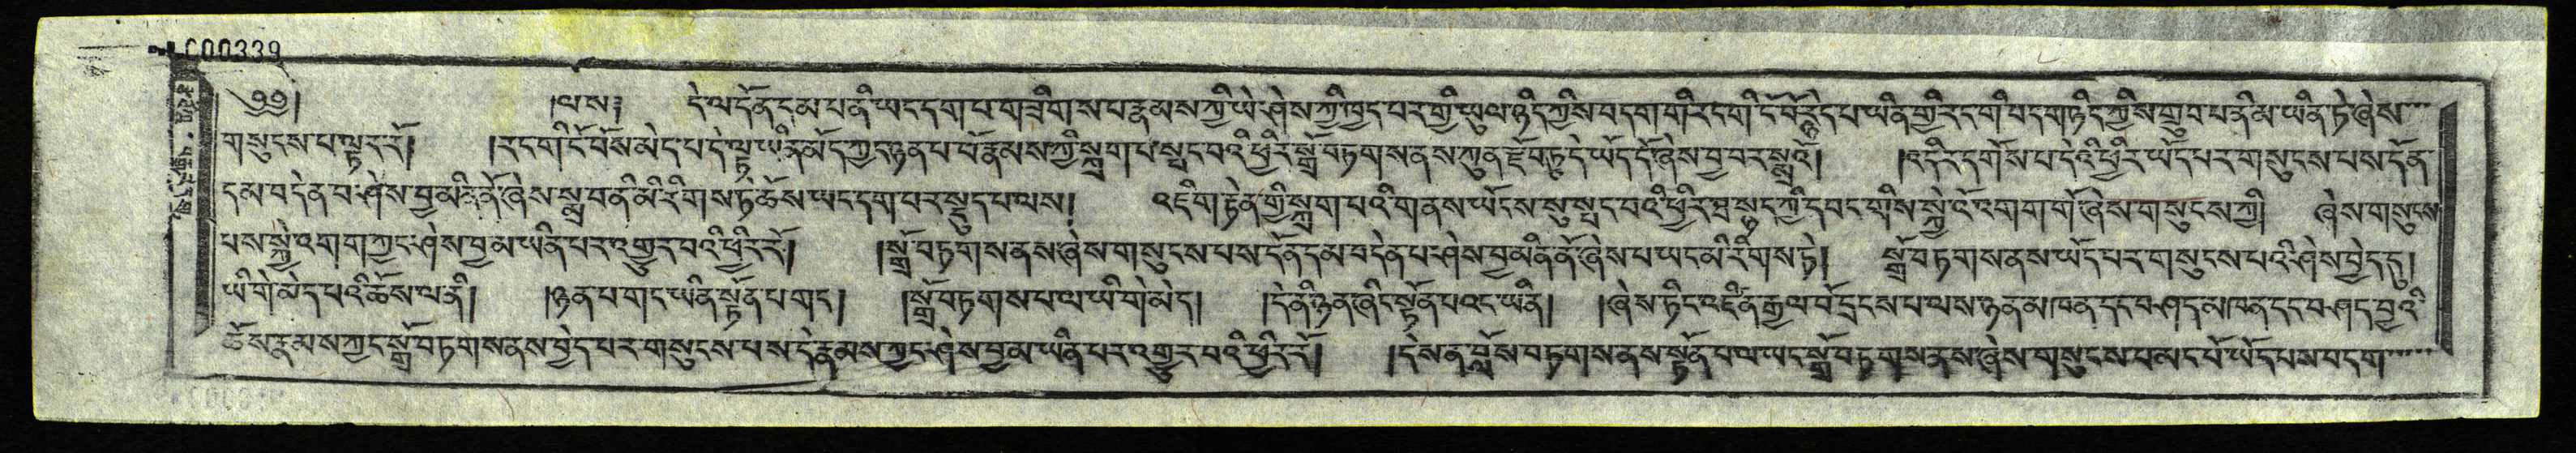༄༅། །ལས༑ དེ་ལ་དོན་དམ་པ་ནི་ཡང་དག་པ་གཟིགས་པ་རྣམས་ཀྱི་ཡེ་ཤེས་ཀྱི་ཁྱད་པར་གྱི་ཡུལ་ཉིད་ཀྱིས་བདག་གི་རང་གི་ངོ་བོ་རྙེད་པ་ཡིན་གྱི་རང་གི་བདག་ཉིད་ཀྱིས་གྲུབ་པ་ནི་མ་ཡིན་ཏེ་ཞེས་
གསུངས་པ་ལྟར་རོ། །རང་གི་ངོ་བོས་མེད་པ་དེ་ལྟ་ཡིན་མོད་ཀྱང་ཉན་པ་པོ་རྣམས་ཀྱི་སྐྲག་པ་སྤང་བའི་ཕྱིར་སྒྲོ་བཏགས་ནས་ཀུན་རྫོབ་ཏུ་དེ་ཡོད་དོ་ཞེས་བྱ་བར་སྨྲའོ། །འདིར་དགོས་པ་དེའི་ཕྱིར་ཡོད་པར་གསུངས་པས་དོན་
དམ་བདེན་པ་ཤེས་བྱ་མིན་ནོ་ཞེས་སྨྲ་བ་ནི་མི་རིགས་ཏེ་ཆོས་ཡང་དག་པར་སྡུད་པ་ལས། འཇིག་རྟེན་གྱི་སྐྲག་པའི་གནས་ཡོངས་སུ་སྤང་བའི་ཕྱིར་ཐ་སྙད་ཀྱི་དབང་གིས་སྐྱེ་འོ་འགག་གོ་ཞེས་གསུངས་ཀྱི། ཞེས་གསུངས་
པས་སྐྱེ་འགག་ཀྱང་ཤེས་བྱ་མ་ཡིན་པར་འགྱུར་བའི་ཕྱིར་རོ། །སྒྲོ་བཏགས་ནས་ཞེས་གསུངས་པས་དོན་དམ་བདེན་པ་ཤེས་བྱ་མིན་ནོ་ཞེས་པ་ཡང་མི་རིགས་ཏེ། སྒྲོ་བཏགས་ནས་ཡོད་པར་གསུངས་པའི་ཤེས་བྱེད་དུ།
ཡི་གེ་མེད་པའི་ཆོས་ལ་ནི། །ཉན་པ་གང་ཡིན་སྟོན་པ་གང་། །སྒྲོ་བཏགས་པ་ལ་ཡི་གེ་མེད། །དེ་ནི་ཉན་ཞིང་སྟོན་པའང་ཡིན། །ཞེས་ཏིང་འཛིན་རྒྱལ་པོ་དྲངས་པ་ལས་ཉན་མཁན་དང་བཤད་མཁན་དང་བཤད་བྱའི་
ཆོས་རྣམས་ཀྱང་སྒྲོ་བཏགས་ནས་བྱེད་པར་གསུངས་པས་དེ་རྣམས་ཀྱང་ཤེས་བྱ་མ་ཡིན་པར་འགྱུར་བའི་ཕྱིར་རོ། །དེས་ན་བློས་བཏགས་ནས་སྟོན་པ་ལ་ཡང་སྒྲོ་བཏགས་ནས་ཞེས་གསུངས་པ་མང་པོ་ཡོད་པས་བདག་